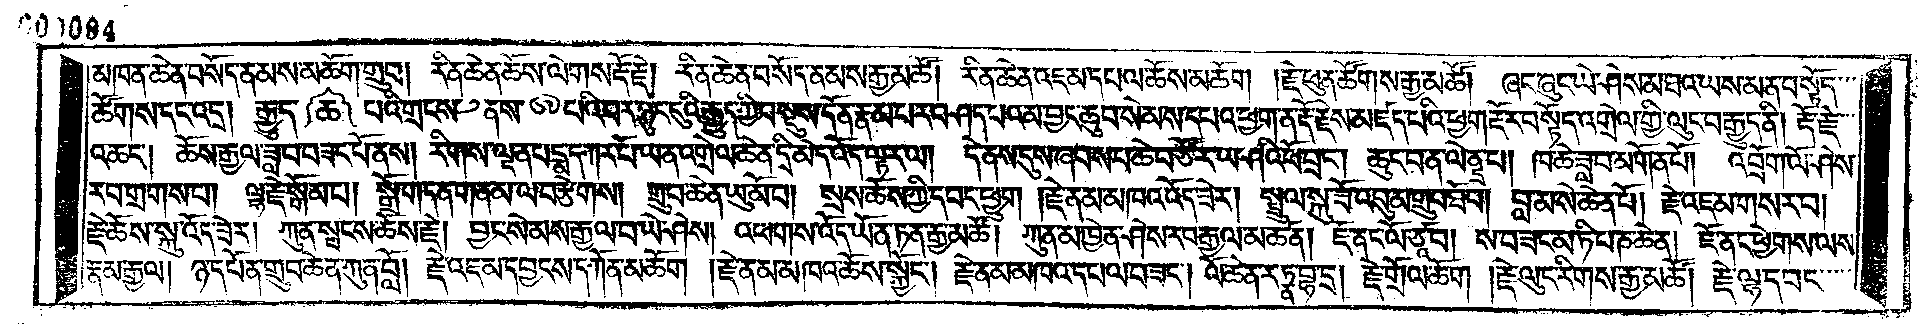མཁན་ཆེན་བསོད་ནམས་མཆོག་གྲུབ། རིན་ཆེན་ཆོས་ལེགས་རྡོ་རྗེ། རིན་ཆེན་བསོད་ནམས་རྒྱ་མཚོ། རིན་ཆེན་འཇམ་དཔལ་ཆོས་མཆོག །རྗེ་ཕུན་ཚོགས་རྒྱ་མཚོ། ཞང་ཞུང་ཡེ་ཤེས་མཐའ་ཡས་མན་བསྟོད་
ཚོགས་དང་འདྲ། རྒྱུད ༼ཆ༽ པའི་གྲངས ༦༧་པའི་བར་ཉུང་དུའི་རྒྱུད་ཀྱི་བསྡུས་དོན་རྣམ་པར་བཤད་པའམ་བྱང་ཆུབ་སེམས་དཔའ་ཕྱག་ན་རྡོ་རྗེས་མཛད་པའི་ཕྱག་རྡོར་བསྟོད་འགྲེལ་གྱི་ལུང་བརྒྱུད་ནི། རྡོ་རྗེ་
འཆང་། ཆོས་རྒྱལ་ཟླ་བ་བཟང་པོ་ནས། རིགས་ལྡན་པདམ་དཀར་པོ་ཡན་འགྲེལ་ཆེན་དྲི་མེད་འོད་ལྟར་ལ། དེ་ནས་དུས་ཞབས་པ་ཆེ་བ་ཙོ་ར་ཡ་ཤའི་ཕོ་བྲང་། ཆུང་བ་ན་ལེནྡྲ་པ། ཁ་ཆེ་ཟླ་བ་མགོན་པོ། འབྲོག་ལོ་ཤེས་
རབ་གྲགས་པ། ལྷ་རྗེ་སྒོམ་པ། སྒྲོ་གདན་གནམ་ལ་བརྩེགས། གྲུབ་ཆེན་ཡུ་མོ་བ། སྲས་ཆོས་ཀྱི་དབང་ཕྱུག །རྗེ་ནམ་མཁའ་འོད་ཟེར། སྤྲུལ་སྐུ་ཟོ་འབུམ་གྲུབ་ཐོབ། བླ་མ་སེ་ཆེན་པོ། རྗེ་འཇམ་གསར་བ།
རྗེ་ཆོས་སྐུ་འོད་ཟེར། ཀུན་སྤངས་ཆོས་རྗེ། བྱང་སེམས་རྒྱལ་བ་ཡེ་ཤེས། འཕགས་འོད་ཡོན་ཏན་རྒྱ་མཚོ། ཀུན་མཁྱེན་ཤེས་རབ་རྒྱལ་མཚན། ཇོ་ནང་ལོ་ཙཱ་བ། ས་བཟང་མ་ཏི་པཎ་ཆེན། ཇོ་ནང་ཕྱོགས་ལས་
རྣམ་རྒྱལ། ཉ་དཔོན་གྲུབ་ཆེན་ཀུན་བློ། རྗེ་འཇམ་དབྱངས་དཀོན་མཆོག །རྗེ་ནམ་མཁའ་ཆོས་སྐྱོང་། རྗེ་ནམ་མཁའ་དཔལ་བཟང་། ལོ་ཆེན་ར་ཏྣ་བྷ་དྲ། རྗེ་གྲོལ་ཆོག །རྗེ་ལུང་རིགས་རྒྱ་མཚོ། རྗེ་ལྷ་དབང་